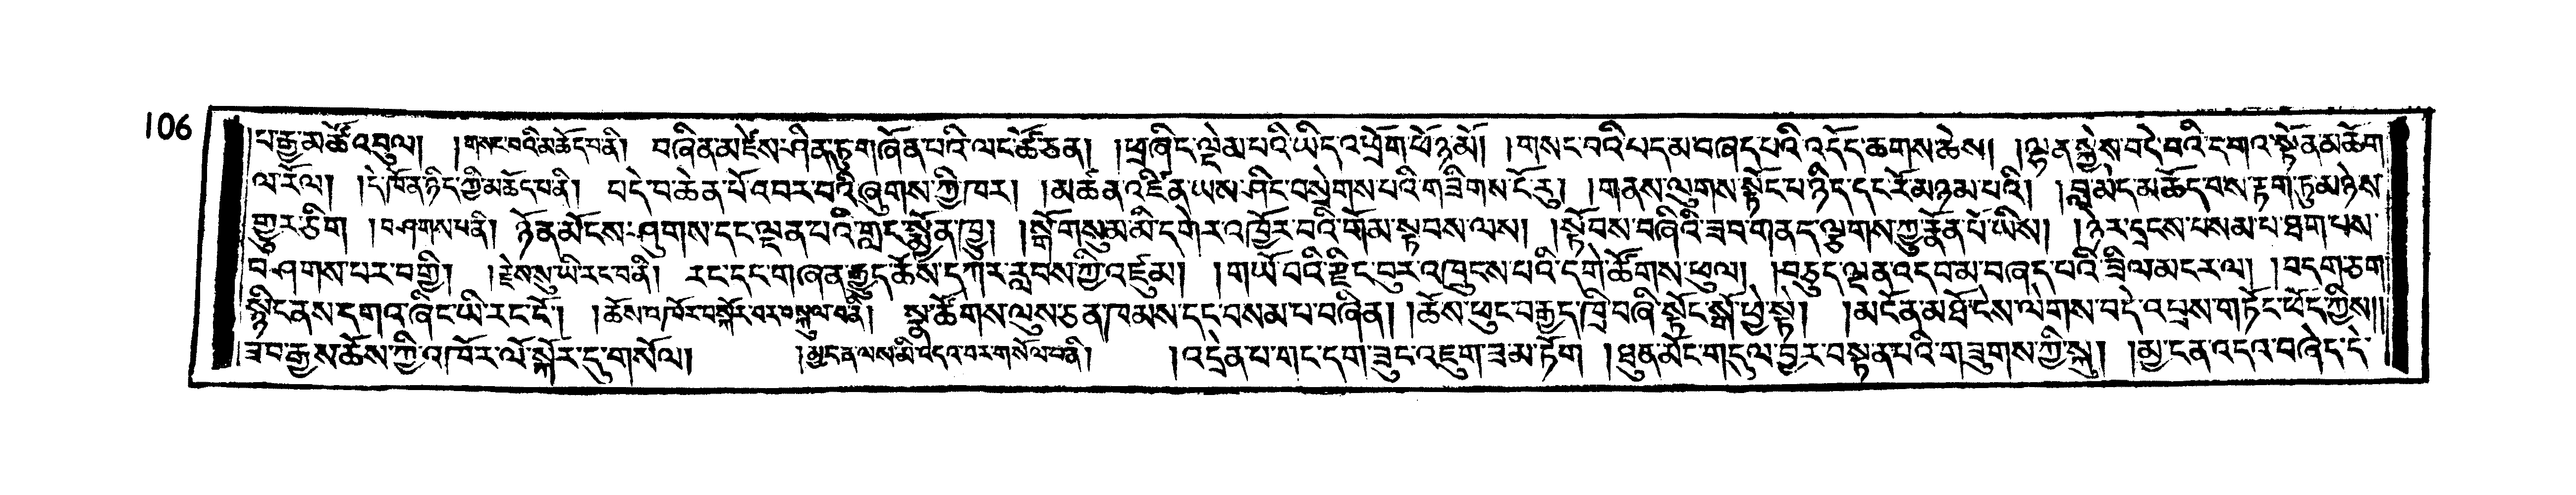པ་རྒྱ་མཚོ་འབུལ། །གསང་བའི་མཆོད་པ་ནི། བཞིན་མཛེས་ཤིན་ཏུ་གཞོན་པའི་ལང་ཚོ་ཅན། །ཕྲ་ཞིང་ལྡེམ་པའི་ཡིད་འཕྲོག་ཕོ་ཉ་མོ། །གསང་བའི་པད་མ་བཞད་པའི་འདོད་ཆགས་ཆེས། །ལྷན་སྐྱེས་བདེ་བའི་དགའ་སྟོན་མཆོག་
ལ་རོལ། །དེ་ཁོ་ན་ཉིད་ཀྱི་མཆོད་པ་ནི། བདེ་བ་ཆེན་པོ་འབར་བའི་ཞུགས་ཀྱི་ཁར། །མཚན་འཛིན་ཡས་ཤིང་བསྲེགས་པའི་གཟིགས་ངོ་རུ། །གནས་ལུགས་སྟོང་པ་ཉིད་དང་རོ་མཉམ་པའི། །བླ་མེད་མཆོད་བས་རྟག་ཏུ་མཉེས་
གྱུར་ཅིག །བཤགས་པ་ནི། ཉོན་མོངས་ཤུགས་དང་ལྡན་པའི་གླང་སྨྱོན་ཁྱུ། །སྒོ་གསུམ་མི་དགེར་འཁྱོར་བའི་གོམ་སྟབས་ལས། །སྟོབས་བཞིའི་ཟབ་གནད་ལྕགས་ཀྱུ་རྣོན་པོ་ཡིས། །ཉེར་དྲངས་བསམ་པ་ཐག་པས་
བཤགས་པར་བགྱི། །རྗེས་སུ་ཡི་རང་བ་ནི། རང་དང་གཞན་རྒྱུད་ཆོས་དཀར་རླབས་ཀྱི་འཛུམ། །གཡོ་བའི་རྫིང་བུར་འཁྲུངས་པའི་དགེ་ཚོགས་ཕུལ། །བཅུད་ལྡན་འདབ་མ་བཞད་པའི་ཟིལ་མངར་ལ། །བདག་ཅག་
སྙིང་ནས་དགའ་ཞིང་ཡི་རང་ངོ། །ཆོས་འཁོར་བསྐོར་བར་བསྐུལ་བ་ནི། སྣ་ཚོགས་ལུས་ཅན་ཁམས་དང་བསམ་པ་བཞིན། །ཆོས་ཕུང་བརྒྱད་ཁྲི་བཞི་སྟོང་སྒོ་ཕྱེ་སྟེ། །མངོན་མཐོ་ངེས་ལེགས་བདེ་འབྲས་གཏོང་ཕོད་ཀྱིས།
ཟབ་རྒྱས་ཆོས་ཀྱི་འཁོར་ལོ་སྐོར་དུ་གསོལ། །མྱ་ངན་ལས་མི་འདའ་བར་གསོལ་བ་ནི། །འདྲེན་པ་གང་དག་ཟུང་འཇུག་ཟ་མ་ཏོག །ཐུན་མོང་གདུལ་བྱར་བསྟན་པའི་གཟུགས་ཀྱི་སྐུ། །མྱ་ངན་འདའ་བཞེད་དེ་